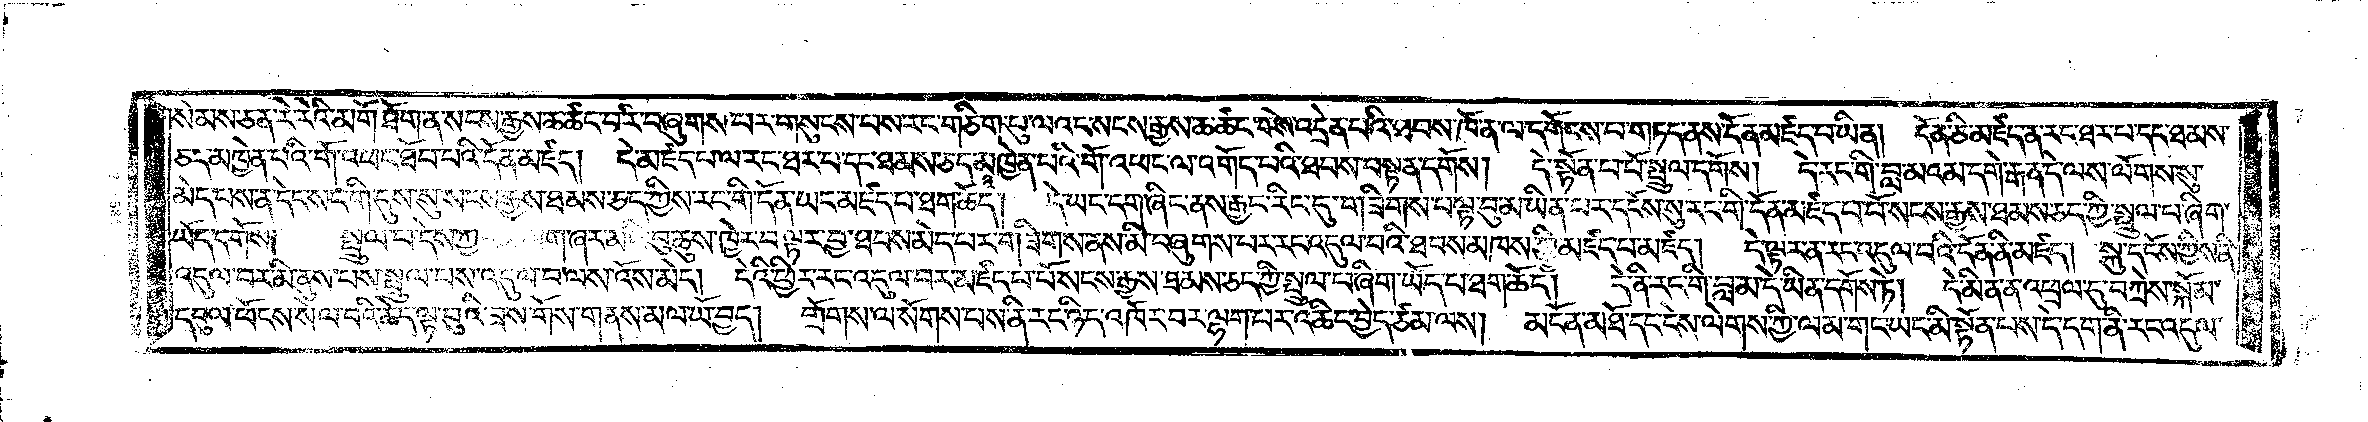སེམས་ཅན་རེ་རེའི་མགོ་ཐོག་ན་སངས་རྒྱས་ཆ་ཚང་བ་རི་བཞུགས་པར་གསུངས་པས་རང་གཅིག་པུ་ལའང་སངས་རྒྱས་ཆ་ཚང་བ་རེས་འདྲེན་པའི་ཐབས་ཁོ་ན་ལ་དགོངས་པ་གཏད་ནས་དོན་མཛད་པ་ཡིན། དོན་ཅི་མཛད་ན་རང་ཐར་པ་དང་ཐམས་
ཅད་མཁྱེན་པའི་གོ་འཕང་ཐོབ་པའི་དོན་མཛད། དེ་མཛད་པ་ལ་རང་ཐར་པ་དང་ཐམས་ཅད་མཁྱེན་པའི་གོ་འཕང་ལ་འགོད་པའི་ཐབས་བསྟན་དགོས། དེ་སྟོན་པ་པོ་སྤྲུལ་དགོས། དེ་རང་གི་བླ་མའམ་དགེ་རྒན་དེ་ལས་ལོགས་སུ་
མེད་པས་ན་དེང་སང་གི་དུས་སུ་སངས་རྒྱས་ཐམས་ཅད་ཀྱིས་རང་གི་དོན་ཡང་མཛད་པ་ཐག་ཆོད། དེ་ཡང་དག་ཞིང་ནས་རྒྱང་རིང་དུ་གཟིགས་པ་ལྟ་བུ་མ་ཡིན་པར་དངོས་སུ་རང་གི་དོན་མཛད་པ་པོ་སངས་རྒྱས་ཐམས་ཅད་ཀྱི་སྤྲུལ་པ་ཞིག་
ཡོད་དགོས༑ སྤྲུལ་པ་དེས་ཀྱང་མ་ལག་ཞར་མའི་བུ་ཆུས་ཁྱེར་བལྟར་བྱ་ཐབས་མེད་པར་གཟིགས་ནས་མི་བཞུགས་པར་རང་འདུལ་བའི་ཐབས་མཁས་ཀྱི་མཛད་པ་མཛད། དེ་ལྟར་ན་རང་འདུལ་བའི་དོན་ནི་མཛད། སྐུ་དངོས་ཀྱིས་ནི་
འདུལ་བར་མི་ནུས་པས་སྤྲུལ་པས་འདུལ་བ་ལས་འོས་མེད། དེའི་ཕྱིར་རང་འདུལ་བར་མཛད་པ་པོ་སངས་རྒྱས་ཐམས་ཅད་ཀྱི་སྤྲུལ་པ་ཞིག་ཡོད་པ་ཐག་ཆོད། དེ་ནི་རང་གི་བླ་མ་དེ་ཡིན་དགོས་ཏེ། དེ་མིན་ན་འཕྲལ་དུ་བཀྲེས་སྐོམ་
དབུལ་ཕོངས་སེལ་བའི་ཆེད་ལྟ་བུའི་ཟས་གོས་གནས་མལ་ཡོ་བྱད། གྲོགས་ལ་སོགས་པས་ནི་རང་ཉིད་འཁོར་བར་ལྷག་པར་འཆིང་བྱེད་ཙམ་ལས། མངོན་མཐོ་དང་ངེས་ལེགས་ཀྱི་ལམ་གང་ཡང་མི་སྟོན་པས་དེ་དག་ནི་རང་འདུལ་